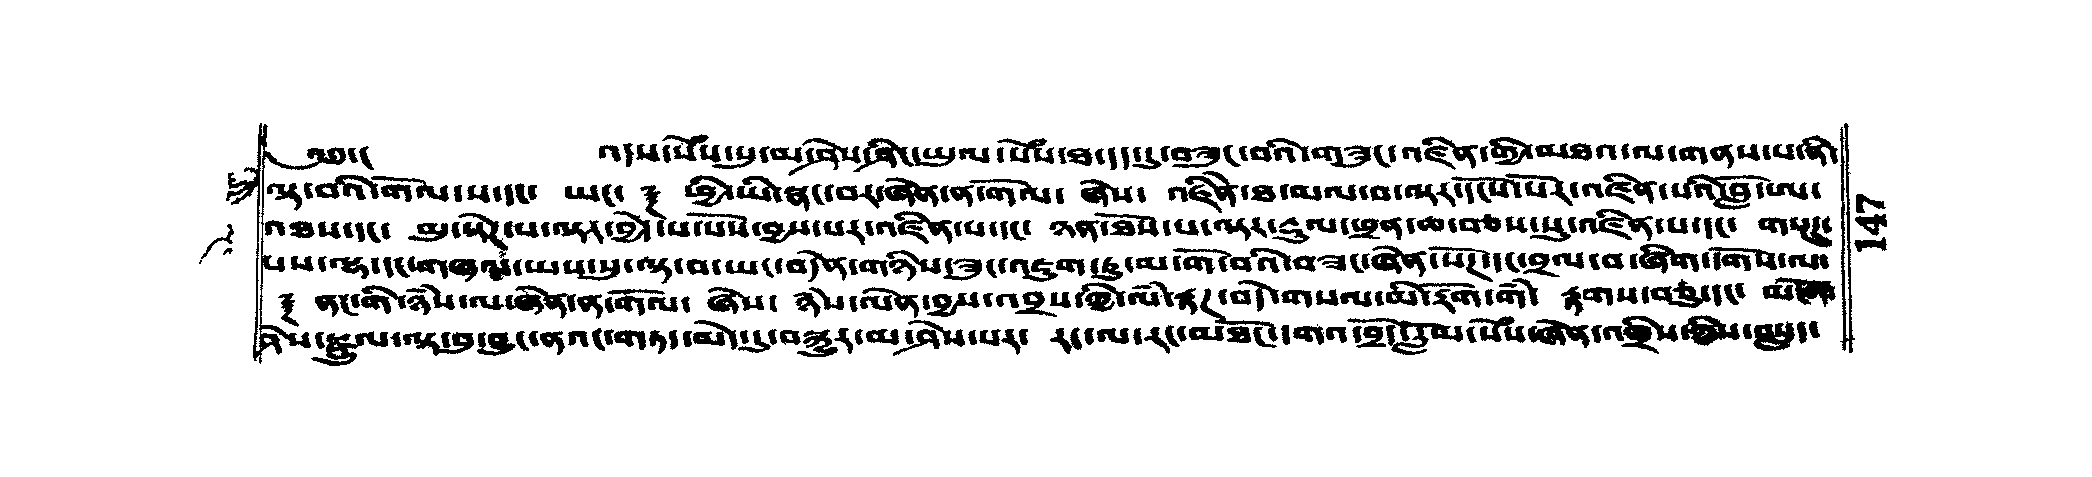འདས་སེམས་སུ་མ་ཤེས་ཤིང་ཡུལ་སེམས་ཐ་དད་དུ་བཟུང་བའི་གཟུང་འཛིན་གྱི་མཐའ་ལ་གནས་པ་ནི་
ལྟ་བའི་གོལ་ས་དང་། ཡང་། ཕྱི་ཡི་སྣང་བར་ཞེན་ན་གོལ། ཞེས། འཇིག་རྟེན་ཐ་མལ་བ་ལྟར་དངོས་པོར་འཛིན་པའི་བློ་ཨ་
འཐས་དང་། མུ་སྟེགས་པ་ལྟར་བྱེད་པ་པོས་བྱས་པར་འཛིན་པ་དང་། ཉན་ཐོས་པ་ལྟར་རྡུལ་ཕྲན་ཆ་བཅས་སུ་འཛིན་པ་དང་། གསང་སྔགས་
པས་ལྷ་དང་གཞལ་ཡས་སུ་ལྟ་བ་ཡང་བདེན་གཉིས་ཟུང་འཇུག་མ་གོ་བའི་བཟང་ཞེན་སོགས་དང་བྲལ་བ་ཞིག་དགོས་ལ། 
ནང་གི་ཉམས་ལ་ཞན་ན་གོལ། ཞེས་ཉམས་ལེན་བྱས་འབྲས་ཀྱི་ལམ་རྟགས་བདེ་གསལ་མི་རྟོག་གམ།རྟགས་བཅུ་དང་། མངོན་
ཤེས་རྫུ་འཕྲུལ་ལྟ་བུ་བྱུང་ནའང་གཏད་མེད་དུ་བསྐྱུར་མ་ཤེས་པར། རང་ལ་རང་མཐོང་དགའ་བྲོད་རློམ་སེམས་ཞེན་འཁྲིས་ཀྱིས་བསླད་